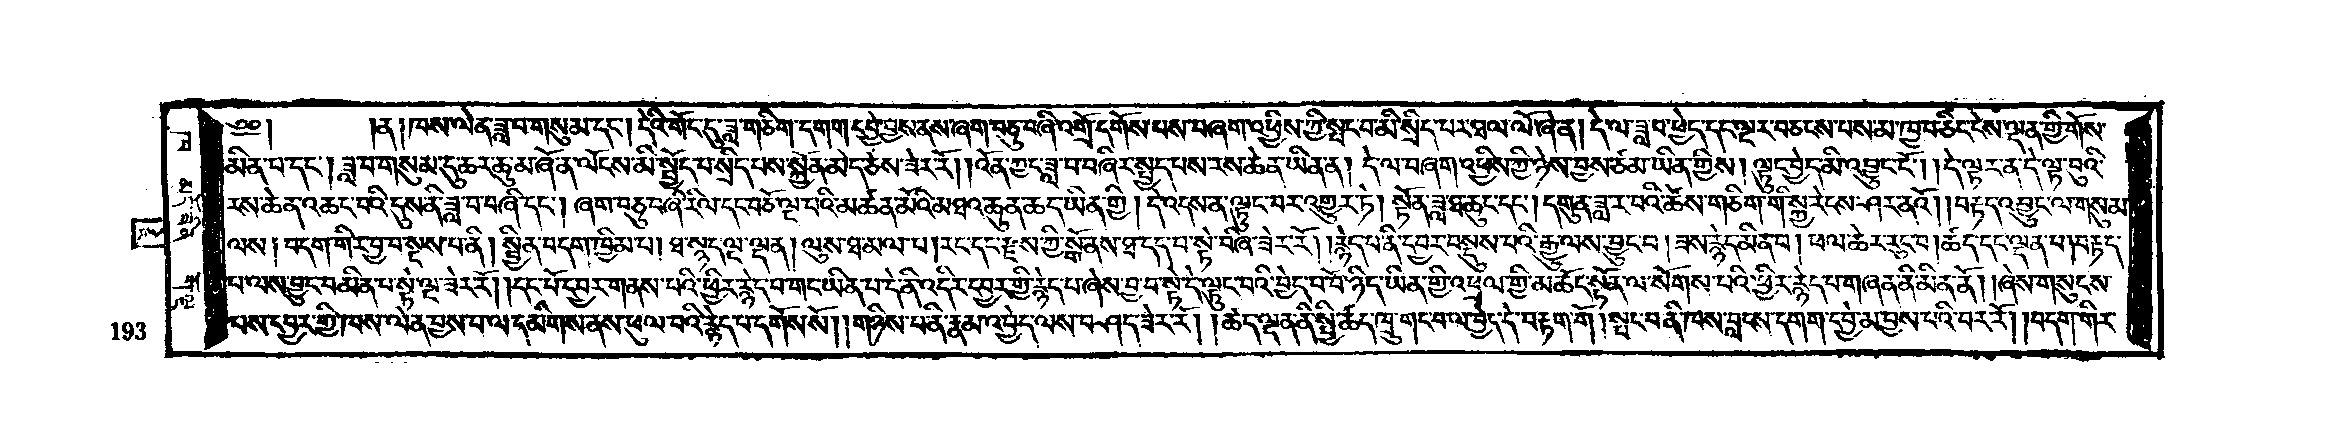༄༅། །ན། ཁས་ལེན་ཟླ་བ་གསུམ་དང་། དེའི་གོང་དུ་ཟླ་གཅིག་དགག་དབྱེ་བྱས་ནས་ཞག་བཅུ་བཞི་འགྲོ་དགོས་པས་བཞག་འཕྱིས་ཀྱི་སྤང་བ་མི་སྲིད་པར་ཐལ་ལོ་ཞེ་ན། དེ་ལ་ཟླ་བ་ཕྱེད་དང་ལྔར་བཅངས་པས་མ་ཁྱབ་ཅིང་ངེས་ལྡན་གྱི་གོས་
མིན་པ་དང་། ཟླ་བ་གསུམ་དུ་ཆར་ཆུ་མ་ཞོ་ན་ལོངས་མི་སྤྱོད་པ་སྲིད་པས་སྐྱོན་མེད་ཅེས་ཟེར་རོ། །འོན་ཀྱང་ཟླ་བ་བཞིར་སྤྱད་པས་རས་ཆེན་ཡིན་ན། དེ་ལ་བཞག་འཕྱིས་ཀྱི་ཉེས་བྱས་ཙམ་ཡིན་གྱིས། ལྟུང་བྱེད་མི་འབྱུང་ངོ། །དེ་ལྟར་ན་དེ་ལྟ་བུའི་
རས་ཆེན་འཆང་བའི་དུས་ནི་ཟླ་བ་བཞི་དང་། ཞག་བཅུ་བཞི་རིལ་དང་བཅོ་ལྔ་པའི་མཚན་མོའི་མཐའ་ཆུན་ཆད་ཡིན་གྱི་།དེ་འདས་ན་ལྟུང་བར་འགྱུར་ཏེ། སྟོན་ཟླ་ཐ་ཆུང་དང་། དགུན་ཟླ་ར་བའི་ཚེས་གཅིག་གི་སྐྱ་རེངས་ཤར་ནའོ། །བརྟད་འབྱུང་ལ་གསུམ་
ལས། བདག་གིར་བྱ་བ་སྔས་པ་ནི། སྦྱིན་བདག་ཁྱིམ་པ། ཐ་སྙད་ལྔ་ལྡན། ལུས་ཐ་མལ་པ། རང་དང་རྫས་ཀྱི་སྒོ་ནས་ཐ་དད་པ་སྟེ་བཞི་ཟེར་རོ། །རྙེད་པ་ནི་དབྱར་བསྡུས་པའི་རྒྱུ་ལས་བྱུང་བ། ཟས་རྙེད་མིན་པ། ཕལ་ཆེར་རུང་བ། ཚད་དང་ལྡན་པ། བརྟད་
པ་ལས་བྱུང་བ་མིན་པ་སྟེ་ལྔ་ཟེར་རོ། །དང་པོ་དབྱར་གནས་པའི་ཕྱིར་རྙེད་པ་གང་ཡིན་པ་དེ་ནི་འདིར་དབྱར་གྱི་རྙེད་པ་ཞེས་བྱ་བ་སྟེ་དེ་ལྟུང་བའི་བྱེད་པ་པོ་ཉིད་ཡིན་གྱི་འཕྲལ་གྱི་མཆོད་སྟོན་ལ་སོགས་པའི་ཕྱིར་རྙེད་པ་གཞན་ནི་མིན་ནོ། །ཞེས་གསུངས་
པས་དབྱར་གྱི་ཁས་ལེན་བྱས་པ་ལ་དམིགས་ནས་ཕུལ་བའི་རྙེད་པ་དགོས་སོ། །གཉིས་པ་ནི་རྣམ་འབྱེད་ལས་བཤད་ཟེར་རོ། །ཚད་ལྡན་ནི་སྤྱི་ཚད་ཁྲུ་གང་བ་ལ་བྱེད་དེ་བརྟག་གོ །སྤང་བ་ནི་ཁས་བླངས་དགག་དབྱེ་མ་བྱས་པའི་བར་རོ། །བདག་གིར་